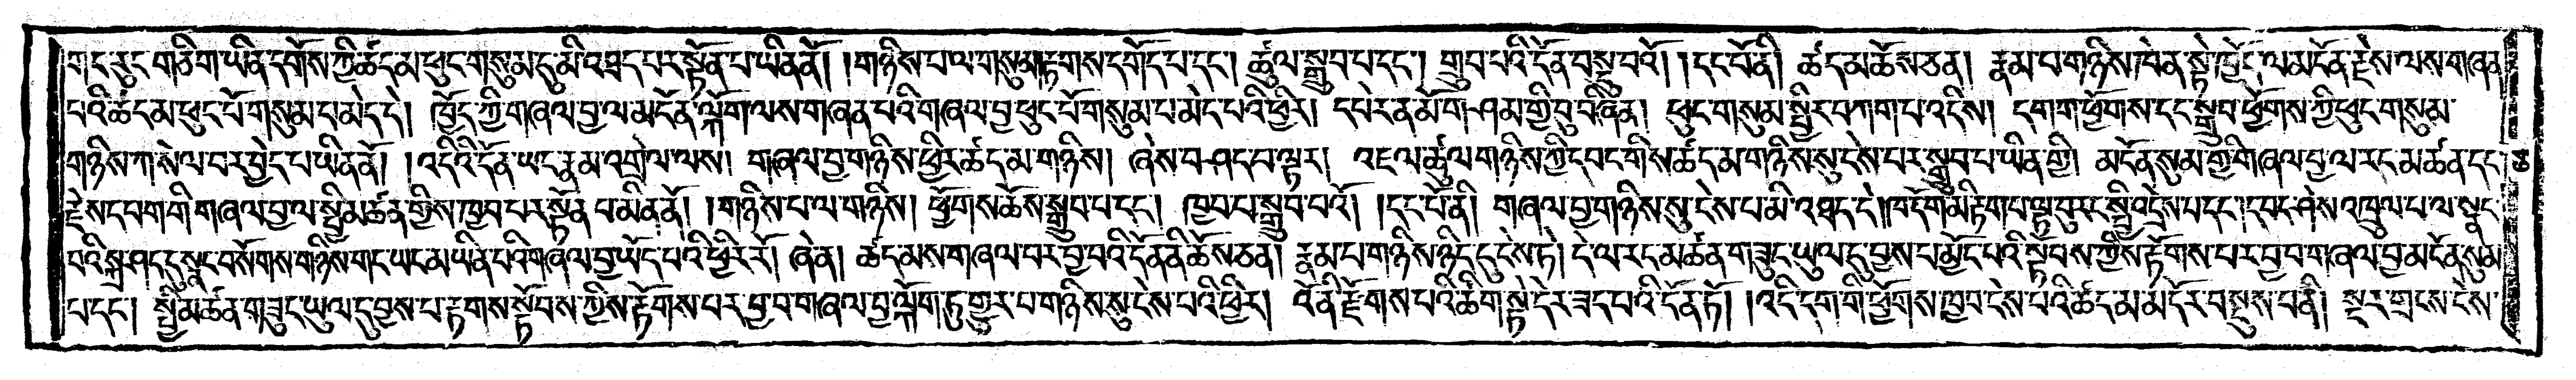གང་རུང་གཅིག་ཡིན་དགོས་ཀྱི་ཚད་མ་ཕུང་གསུམ་དུ་མི་འཐད་པར་སྟོན་པ་ཡིན་ནོ། །གཉིས་པ་ལ་གསུམ། རྟགས་དགོད་པ་དང་། ཚུལ་སྒྲུབ་པ་དང་། གྲུབ་པའི་དོན་བསྡུ་བའོ། །དང་པོ་ནི། ཚད་མ་ཆོས་ཅན། རྣམ་པ་གཉིས་ཁེན་སྟེ་ཁྱོད་ལ་མངོན་རྗེས་ལས་གཞན་
པའི་ཚད་མ་ཕུང་པོ་གསུམ་པ་མེད་དེ། ཁྱོད་ཀྱི་གཞལ་བྱ་ལ་མངོན་ལྐོག་ལས་གཞན་པའི་གཞལ་བྱ་ཕུང་པོ་གསུམ་པ་མེད་པའི་ཕྱིར། དཔེར་ན་མོ་གཤམ་གྱི་བུ་བཞིན། ཕུང་གསུམ་སྤྱིར་བཀག་པ་འདིས། དགག་ཕྱོགས་དང་སྒྲུབ་ཕྱོགས་ཀྱི་ཕུང་གསུམ་
གཉིས་ཀ་སེལ་བར་བྱེད་པ་ཡིན་ནོ། །འདིའི་དོན་ཡང་རྣམ་འགྲེལ་ལས། གཞལ་བྱ་གཉིས་ཕྱིར་ཚད་མ་གཉིས། ཞེས་བཤད་པ་ལྟར། འཇལ་ཚུལ་གཉིས་ཀྱི་དབང་གིས་ཚད་མ་གཉིས་སུ་ངེས་པར་སྒྲུབ་པ་ཡིན་གྱི། མངོན་སུམ་གྱི་གཞལ་བྱ་ལ་རང་མཚན་དང་
རྗེས་དཔག་གི་གཞལ་བྱ་ལ་སྤྱི་མཚན་གྱིས་ཁྱབ་པར་སྟོན་པ་མིན་ནོ། །གཉིས་པ་ལ་གཉིས། ཕྱོགས་ཆོས་སྒྲུབ་པ་དང་། ཁྱབ་པ་སྒྲུབ་པའོ། །དང་པོ་ནི། གཞལ་བྱ་གཉིས་སུ་ངེས་པ་མི་འཐད་དེ། ཁ་དོག་མི་རྟག་པ་ལྟ་བུ་རང་སྤྱི་འདྲེས་པ་དང་། དབང་ཤེས་འཁྲུལ་བ་ལ་སྣང་
བའི་སྐྲ་ཤད་དུ་སྣང་བ་སོགས་གཉིས་གང་ཡང་མ་ཡིན་པའི་གཞལ་བྱ་ཡོད་པའི་ཕྱིར་རོ། ཞེ་ན། ཚད་མས་གཞལ་བར་བྱ་བའི་དོན་ནི་ཆོས་ཅན། རྣམ་པ་གཉིས་ཉིད་དུ་ངེས་ཏེ། དེ་ལ་རང་མཚན་གཟུང་ཡུལ་དུ་བྱས་པ་མྱོང་བའི་སྟོབས་ཀྱིས་རྟོགས་པར་བྱ་བ་གཞལ་བྱ་མངོན་སུམ་
པ་དང་། སྤྱི་མཚན་གཟུང་ཡུལ་དུ་བྱས་པ་རྟགས་སྟོབས་ཀྱིས་རྟོགས་པར་བྱ་བ་གཞལ་བྱ་ལྐོག་ཏུ་གྱུར་བ་གཉིས་སུ་ངེས་པའི་ཕྱིར། འོ་ནི་རྫོགས་པའི་ཚིག་སྟེ་དེར་ཟད་པའི་དོན་ཏོ། །འདི་དག་གི་ཕྱོགས་ཁྱབ་ངེས་པའི་ཚད་མ་མདོར་བསྡུས་པ་ནི། སྔར་གྲངས་ངེས་